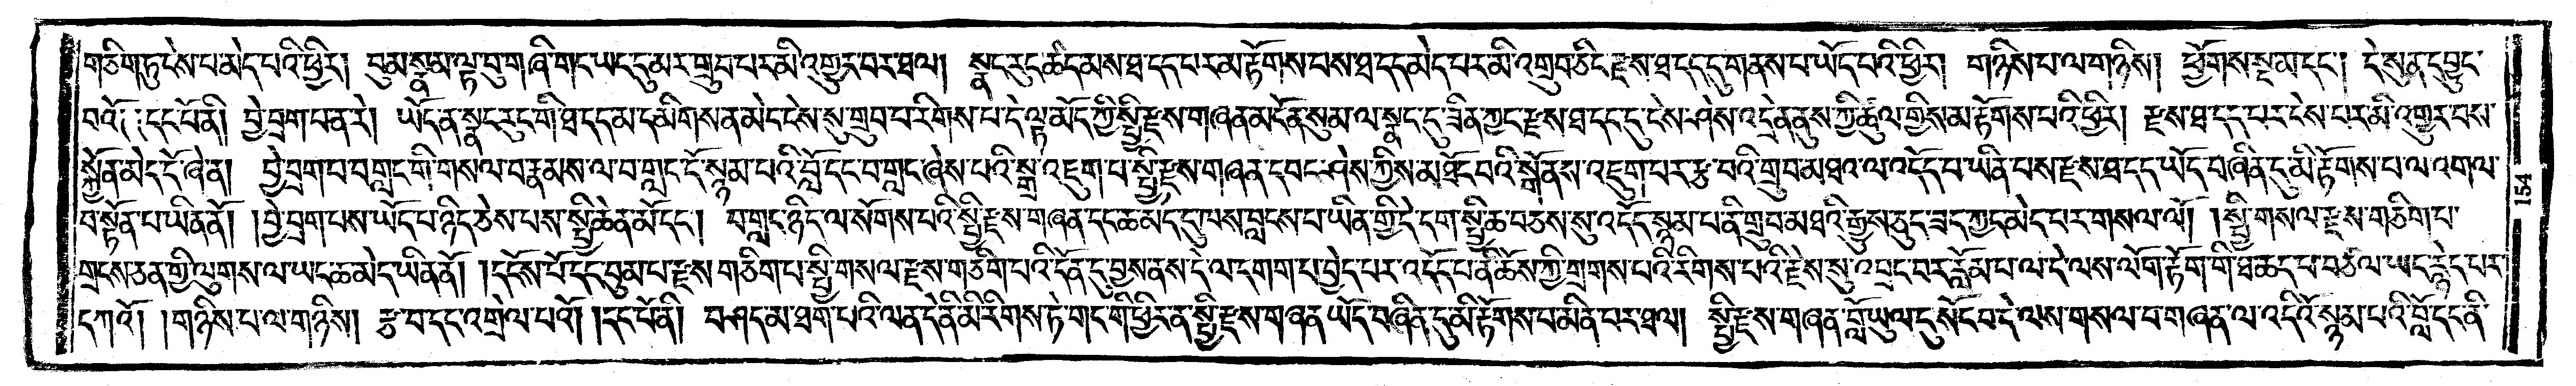གཅིག་ཏུ་ངེས་པ་མེད་པའི་ཕྱིར། བུམ་སྣམ་ལྟ་བུ་གཞི་གང་ཡང་དུ་མར་གྲུབ་པར་མི་འགྱུར་བར་ཐལ། སྣང་རུང་ཚད་མས་ཐ་དད་པར་མ་རྟོགས་པས་ཐ་དད་མེད་པར་མི་འགྲུབ་ཅིང་རྫས་ཐ་དད་དུ་གནས་པ་ཡོད་པའི་ཕྱིར། གཉིས་པ་ལ་གཉིས། ཕྱོགས་སྔ་མ་དང་། དེ་སུན་དབྱུང་
བའོ། །དང་པོ་ནི། བྱེ་བྲག་པ་ན་རེ། ཡོད་ན་སྣང་རུང་གི་ཐ་དད་མ་དམིགས་ན་མེད་ངེས་སུ་གྲུབ་པ་རིགས་པ་དེ་ལྟ་མོད་ཀྱི་སྤྱི་རྫས་གཞན་མངོན་སུམ་ལ་སྣང་དུ་ཟིན་ཀྱང་རྫས་ཐ་དད་དུ་ངེས་ཤེས་འདྲེན་ནུས་ཀྱི་ཚུལ་གྱིས་མ་རྟོགས་པའི་ཕྱིར། རྫས་ཐ་དད་པར་ངེས་པར་མི་འགྱུར་བས་
སྐྱོན་མེད་དོ་ཞེ་ན། བྱེ་བྲག་པ་བ་གླང་གི་གསལ་བ་རྣམས་ལ་བ་གླང་དོ་སྙམ་པའི་བློ་དང་བ་གླང་ཞེས་པའི་སྒྲ་འཇུག་པ་སྤྱི་རྫས་གཞན་དབང་ཤེས་ཀྱིས་མཐོང་བའི་སྒོ་ནས་འཇུག་པར་རྩ་བའི་གྲུབ་མཐའ་ལ་འདོད་པ་ཡིན་པས་རྫས་ཐ་དད་ཡོད་བཞིན་དུ་མི་རྟོགས་པ་ལ་འགལ་
བ་སྟོན་པ་ཡིན་ནོ། །བྱེ་བྲག་པས་ཡོད་པ་ཉིད་ཅེས་པས་སྤྱི་ཆེན་མོ་དང་། བ་གླང་ཉིད་ལ་སོགས་པའི་སྤྱི་རྫས་གཞན་དང་ཆ་མེད་དུ་ཁས་བླངས་པ་ཡིན་གྱི་དེ་དག་སྤྱི་ཆ་བཅས་སུ་འདོད་སྙམ་པ་ནི་གྲུབ་མཐའི་རྒྱུས་ཅུང་ཟད་ཀྱང་མེད་པར་གསལ་ལོ། །སྤྱི་གསལ་རྫས་གཅིག་པ་
གྲངས་ཅན་གྱི་ལུགས་ལ་ཡང་ཆ་མེད་ཡིན་ནོ། །དངོས་པོ་དང་བུམ་པ་རྫས་གཅིག་པ་སྤྱི་གསལ་རྫས་གཅིག་པའི་དོན་དུ་བྱས་ནས་དེ་ལ་དགག་པ་བྱེད་པར་འདོད་པ་ནི་ཆོས་ཀྱི་གྲགས་པའི་རིགས་པའི་རྗེས་སུ་འབྲང་བར་རློམ་པ་ལ་དེ་ལས་ལོག་རྟོག་གི་ཐ་ཆད་པ་བཙལ་ཡང་རྙེད་པར་
དཀའོ། །གཉིས་པ་ལ་གཉིས། རྩ་བ་དང་འགྲེལ་པའོ། །དང་པོ་ནི། བཤད་མ་ཐག་པའི་ལན་དེ་ནི་མི་རིགས་ཏེ་གང་གི་ཕྱིར་ན་སྤྱི་རྫས་གཞན་ཡོད་བཞིན་དུ་མི་རྟོགས་པ་མིན་པར་ཐལ། སྤྱི་རྫས་གཞན་བློ་ཡུལ་དུ་སོང་བ་དེ་ལས་གསལ་བ་གཞན་ལ་འདིའོ་སྙམ་པའི་བློ་དང་ནི་